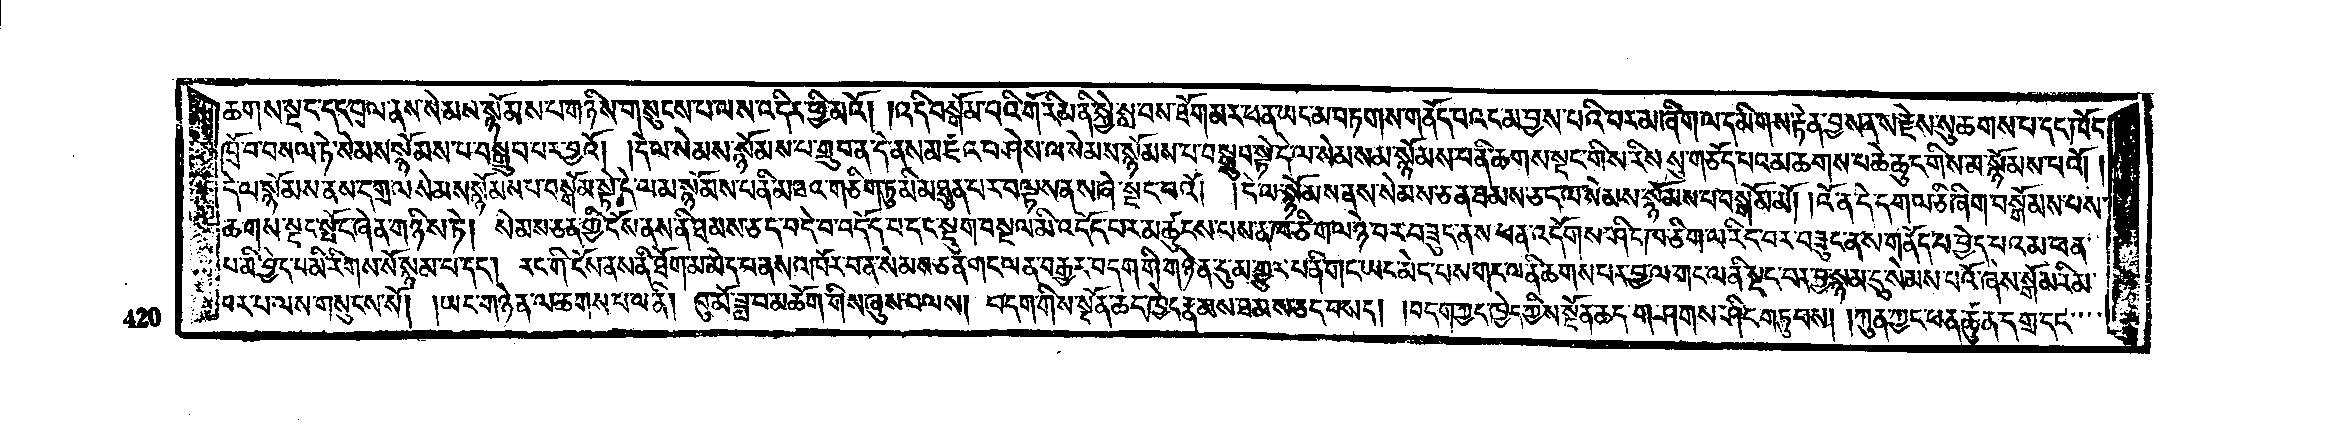ཆགས་སྡང་དང་བྲལ་ནས་སེམས་སྙོམས་པ་གཉིས་གསུངས་པ་ལས་འདིར་ཕྱི་མའོ། །འདི་བསྒོམ་པའི་གོ་རིམ་ནི་སྐྱེ་སླ་བས་ཐོག་མར་ཕན་ཡང་མ་བཏགས་གནོད་པའང་མ་བྱས་པའི་བར་མ་ཞིག་ལ་དམིགས་རྟེན་བྱས་ནས་རྗེས་སུ་ཆགས་པ་དང་ཁོང་
ཁྲོ་བ་བསལ་ཏེ་སེམས་སྙོམས་པ་བསྒྲུབ་པར་བྱའོ། །དེ་ལ་སེམས་སྙོམས་པ་གྲུབ་ན་དེ་ནས་མཛའ་བཤེས་ལ་སེམས་སྙོམས་པ་བསྒྲུབ་སྟེ་དེ་ལ་སེམས་མ་སྙོམས་པ་ནི་ཆགས་སྡང་གིས་རིས་སུ་གཅོད་པའམ་ཆགས་པ་ཆེ་ཆུང་གིས་མ་སྙོམས་པའོ། །
དེ་ལ་སྙོམས་ནས་དགྲ་ལ་སེམས་སྙོམས་པ་བསྒོམ་སྟེ་དེ་ལ་མ་སྙོམས་པ་ནི་མཐའ་གཅིག་ཏུ་མི་མཐུན་པར་བལྟས་ནས་ཞེ་སྡང་བའོ། །དེ་ལ་སྙོམས་ནས་སེམས་ཅན་ཐམས་ཅད་ལ་སེམས་སྙོམས་པ་བསྒོམ་མོ། །འོ་ན་དེ་དག་ལ་ཅི་ཞིག་བསྒོམས་པས་
ཆགས་སྡང་སྤོང་ཞེ་ན་གཉིས་ཏེ། སེམས་ཅན་གྱི་ངོས་ནས་ནི་ཐམས་ཅད་བདེ་བ་འདོད་པ་དང་སྡུག་བསྔལ་མི་འདོད་པར་མཚུངས་པས་ན་ཁ་ཅིག་ལ་ཉེ་བར་བཟུང་ནས་ཕན་འདོགས་ཤིང་ཁ་ཅིག་ལ་རིང་བར་བཟུང་ནས་གནོད་པ་བྱེད་པའམ་ཕན་
པ་མི་བྱེད་པ་མི་རིགས་སོ་སྙམ་པ་དང་། རང་གི་ངོས་ནས་ནི་ཐོག་མ་མེད་པ་ནས་འཁོར་བ་ན་སེམས་ཅན་གང་ལན་བརྒྱར་བདག་གི་གཉེན་དུ་མ་གྱུར་པ་ནི་གང་ཡང་མེད་པས་གང་ལ་ནི་ཆགས་པར་བྱ་ལ་གང་ལ་ནི་སྡང་བར་བྱ་སྙམ་དུ་སེམས་པའོ་ཞེས་སྒོམ་རིམ་
བར་པ་ལས་གསུངས་སོ། །ཡང་གཉེན་ལ་ཆགས་པ་ལ་ནི། བུ་མོ་ཟླ་བ་མཆོག་གིས་ཞུས་པ་ལས། བདག་གིས་སྔོན་ཆད་ཁྱེད་རྣམས་ཐམས་ཅད་བསད། །བདག་ཀྱང་ཁྱེད་ཀྱིས་སྔོན་ཆད་བཤགས་ཤིང་གཏུབས། །ཀུན་ཀྱང་ཕན་ཚུན་དགྲ་དང་